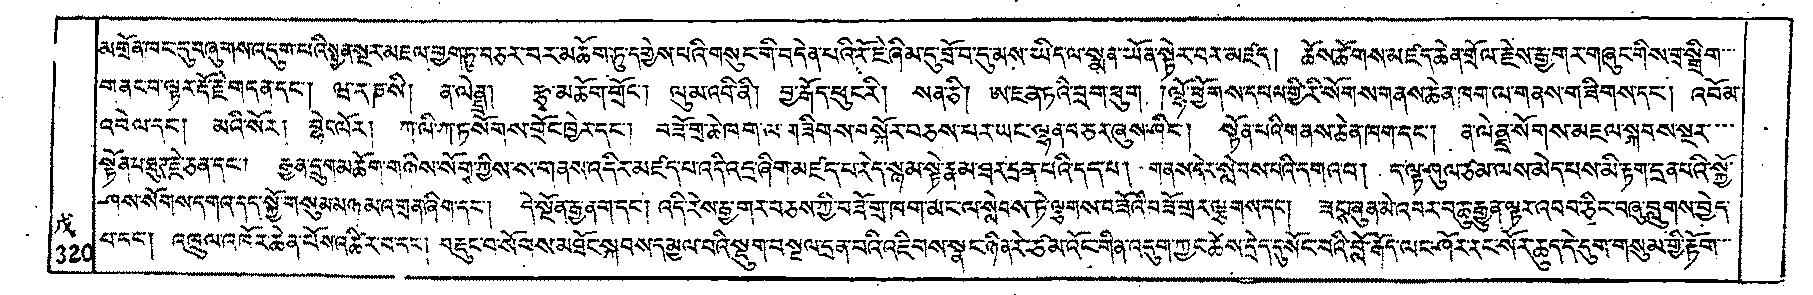མགྲོན་ཁང་དུ་བཞུགས་འདུག་པའི་སྤྱན་སྔར་མཇལ་ཕྱག་ཏུ་བཅར་བར་མཆོག་ཏུ་དགྱེས་པའི་གསུང་གི་བདེན་པའི་རོ་ཇེ་ཞིམ་དུ་བྲོ་བ་དུ་མས་ཡིད་ལ་སྨན་ཡོན་སྟེར་བར་མཛད། ཆོས་ཚོགས་མཛད་ཆེན་གྲོལ་རྗེས་རྒྱ་གར་གཞུང་གིས་གྲ་སྒྲིག་
གནང་བ་ལྟར་རྡོ་རྗེ་གདན་དང་། ཝ་ར་ཎ་སི། ན་ལེནྡྲ། རྩྭ་མཆོག་གྲོང་། ལུམ་འབི་ནི། བྱ་རྒོད་ཕུང་རི། སན་ཅི། ཨ་ཇན་ཏའི་བྲག་ཕུག །ལྷོ་ཕྱོགས་དཔལ་གྱི་རི་སོགས་གནས་ཆེན་ཁག་ལ་གནས་གཟིགས་དང་། འབོམ་
འབེལ་དང་། མའི་སོར། བྷེང་ལོར། ཀ་ལི་ཀ་ཏ་སོགས་གྲོང་ཁྱེར་དང་། བཟོ་གྲ་ཆེ་ཁག་ལ་གཟིགས་བསྐོར་བཅས་པར་ཡང་ལྷན་བཅར་ཞུས་ཤིང་། སྟོན་པའི་གནས་ཆེན་ཁག་དང་། ན་ལེནྡྲ་སོགས་མཇལ་སྐབས་སྔར་
སྟོན་པ་ཐུགས་རྗེ་ཅན་དང་། རྒྱན་དྲུག་མཆོག་གཉིས་སོགས་ཀྱིས་ས་གནས་འདིར་མཛད་པ་འདི་འདྲ་ཞིག་མཛད་པ་རེད་སྙམ་སྟེ་རྣམ་ཐར་དྲན་པའི་དད་པ། གནས་དེར་སླེབས་པའི་དགའ་བ། ད་ལྟ་ཤུལ་ཙམ་ལས་མེད་པས་མི་རྟག་དྲན་པའི་སྐྱོ་
ཤས་སོགས་དགའ་དད་སྐྱོ་གསུམ་མཉམ་འགྲན་ཞིག་དང་། དེ་སྔོན་རྒྱ་ནག་དང་། འདི་རེས་རྒྱ་གར་བཅས་ཀྱི་བཟོ་གྲ་ཁག་མང་ལ་སླེབས་ཏེ་ལྕགས་བཟོའི་བཟོ་གྲར་ལྕགས་དང་། ཟངས་ཞུན་མེ་འབར་བ་ཆུ་རྒྱུན་ལྟར་འབབ་ཅིང་བཞུ་བླུགས་བྱེད་
པ་དང་། འཁྲུལ་འཁོར་ཆེན་པོས་འཚིར་བ་དང་། བརྡུང་བ་སོགས་མཐོང་སྐབས་དམྱལ་བའི་སྡུག་བསྔལ་དྲན་པའི་འཇིགས་སྣང་ཉིན་རེ་ཙམ་འོང་གིན་འདུག་ཀྱང་ཆོས་དྲེད་དུ་སོང་བའི་བློ་རྒོད་ལང་ཤོར་རང་སོར་ཆུད་དེ་དུག་གསུམ་གྱི་རྟོག་